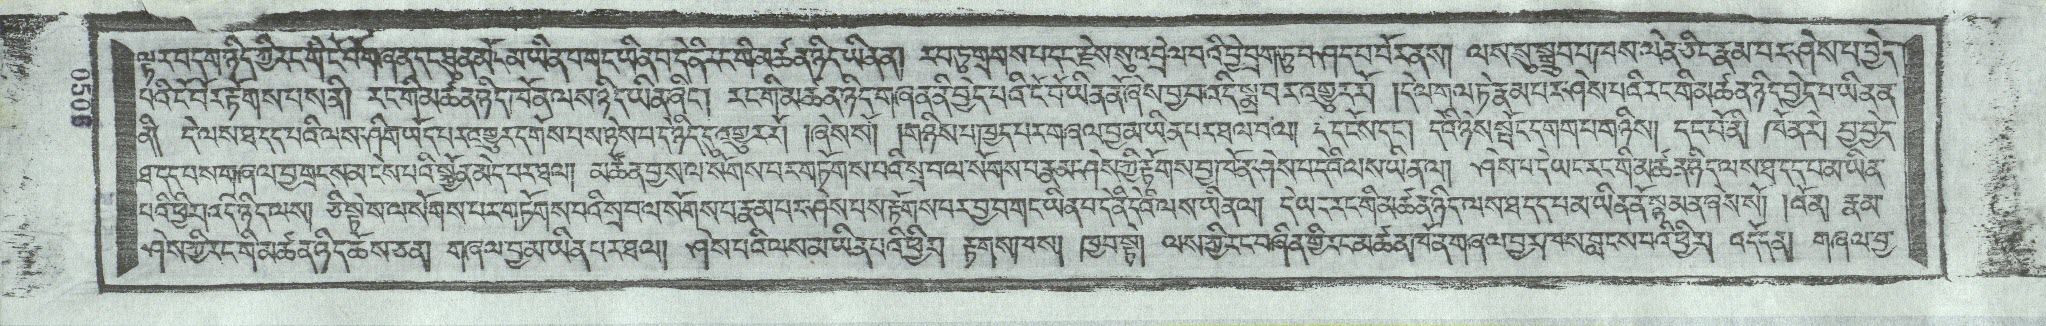ལྟར་བདག་ཉིད་ཀྱི་རང་གི་ངོ་བོ་གཞན་དང་ཐུན་མོང་མ་ཡིན་པ་གང་ཡིན་པ་དེ་ནི་རང་གི་མཚན་ཉིད་ཡིན་ན། རབ་ཏུ་གྲགས་པ་དང་རྗེས་སུ་འབྲེལ་བའི་བྱེ་བྲག་ཏུ་བཤད་པ་པོར་ནས། ལས་སུ་སྒྲུབ་པ་ཁས་ལེན་ཅིང་རྣམ་པར་ཤེས་པ་བྱེད་
པའི་ངོ་བོར་རྟོགས་པས་ནི། རང་གི་མཚན་ཉིད་ཁོ་ན་ལས་ཉིད་ཡིན་ཞིང་། རང་གི་མཚན་ཉིད་གཞན་ནི་བྱེད་པའི་ངོ་བོ་ཡིན་ནོ་ཞེས་བྱ་བ་འདི་སྨྲ་བར་འགྱུར་རོ། །དེ་ལ་གལ་ཏེ་རྣམ་པར་ཤེས་པའི་རང་གི་མཚན་ཉིད་བྱེད་པ་ཡིན་ན་
ནི༑ དེ་ལས་ཐ་དད་པའི་ལས་ཤིག་ཡོད་པར་འགྱུར་དགོས་པས་ཉེས་པ་དེ་ཉིད་དུ་འགྱུར་རོ། །ཞེས་སོ། །གཉིས་པ་ཁྱད་པར་གཞལ་བྱ་མ་ཡིན་པར་ཐལ་བལ། དེ་དངོས་དང་། དེའི་ཉེས་སྤོང་དགག་པ་གཉིས། དང་པོ་ནི། ཁོ་ན་རེ། བྱ་བྱེད་
ཐ་དད་པས་གཞལ་བྱ་གྲངས་མ་ངེས་པའི་སྐྱོན་མེད་པར་ཐལ། མཚོན་བྱས་ལ་སོགས་པར་གཏོགས་པའི་སྲ་བ་ལ་སོགས་པ་རྣམ་ཤེས་ཀྱི་རྟོགས་བྱ་ཁོ་ན་ཤེས་པ་དེའི་ལས་ཡིན་ལ། ཤེས་པ་དེ་ཡང་རང་གི་མཚན་ཉིད་ལས་ཐ་དད་པ་མ་ཡིན་
པའི་ཕྱིར། འདི་ཉིད་ལས། ཅི་སྟེ་ས་ལ་སོགས་པར་གཏོགས་པའི་སྲ་བ་ལ་སོགས་པ་རྣམ་པར་ཤེས་པས་རྟོགས་པར་བྱ་བ་གང་ཡིན་པ་དེ་ནི་དེའི་ལས་ཡིན་ལ། དེ་ཡང་རང་གི་མཚན་ཉིད་ལས་ཐ་དད་པ་མ་ཡིན་ནོ་སྙམ་ན་ཞེས་སོ། །འོ་ན། རྣམ་
ཤེས་ཀྱི་རང་གི་མཚན་ཉིད་ཆོས་ཅན། གཞལ་བྱ་མ་ཡིན་པར་ཐལ། ཤེས་པའི་ལས་མ་ཡིན་པའི་ཕྱིར། རྟགས་ཁས། ཁྱབ་སྟེ། ལས་ཀྱི་རང་བཞིན་གྱི་རང་མཚན་ཁོ་ན་གཞལ་བྱར་ཁས་བླངས་པའི་ཕྱིར། འདོད་ན། གཞལ་བྱ་